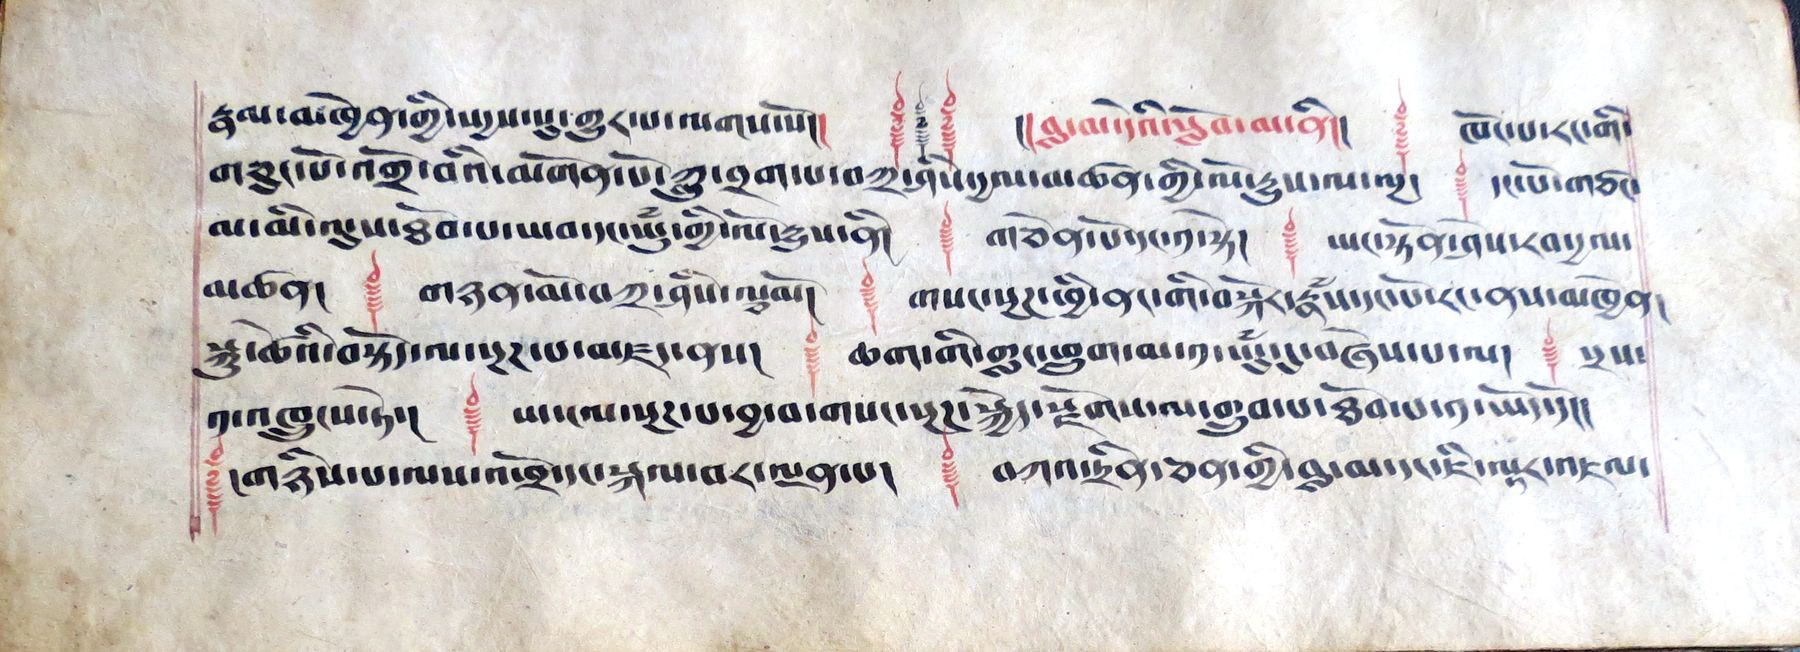རྣམ་མཁྱེན་གྱི་སངས་རྒྱས་སུ་གྱུར་པ་ལགས་སོ། ། བླ་མ་དེའི་སློབ་མ་ནི། ཁོང་པ་རང་གི་
གཅུང་པོ་བཀྲ་ཤིས་རྒྱལ་མཚན་གྱི་ལོ་རྒྱུས་ལ་ལྔ། དང་པོ་གཙང་
མ་མི་ལུས་ཐོབ་པ་ཡབ་དང་ཡུམ་གྱི་ལོ་རྒྱུས་ནི། གཅེན་པོ་དང་འདྲ་སྟེ། ཡང་སྟོན་ཤེས་རབ་རྒྱལ་
མཚན་གཉན་མོ་བཀྲ་ཤིས་ལྕམ་མོ། ། གསང་སྔགས་ཕྱི་ནང་གི་སྐོར་རྣམས་དང་པོ་རང་ནས་མཁྱེན། 
སྐུ་ཚེའི་སྟོད་ལ་སྔགས་པ་མཛད་ནས། ཆག་གི་གླང་ཕྲུག་མ་ཞིག་ཡུམ་དུ་བཞེས་པ་ལ། སྲས་
གཅིག་འཁྲུངས་ཏེ། ཡ་ངལ་སྔགས་པ་བྱ་བ། གསང་སྔགས་བསྐྱེད་རྫོགས་ལ་གྲུབ་པ་ཐོབ་པ་ཞིག་ཡོད་དོ། ། 
གཉིས་པ་ལས་འཕྲོ་དང་སྐལ་པར་ལྡན་པས། བཀའ་དྲིན་ཅན་གྱི་བླ་མ་དང་ཇི་ལྟར་མཇལ་